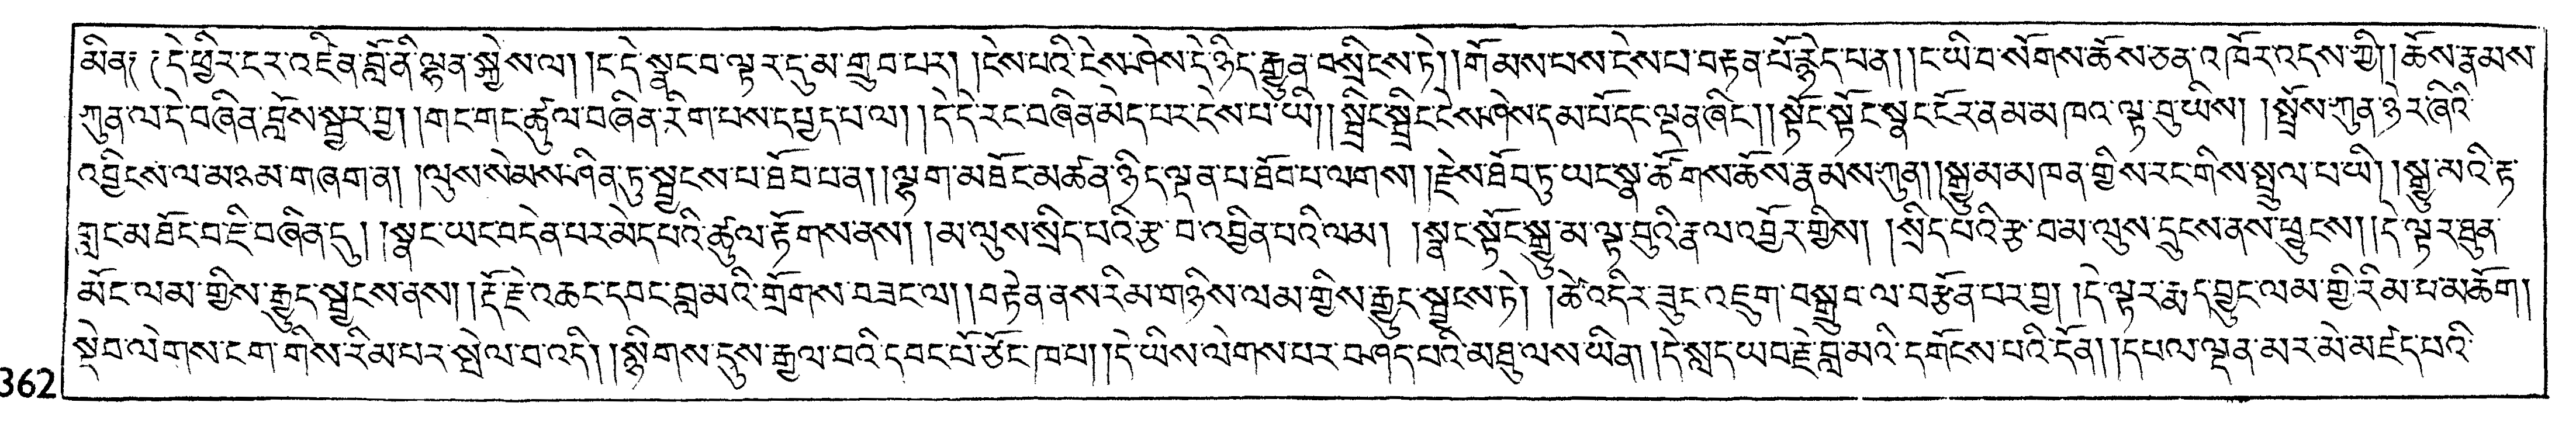མིན༑ ༑དེ་ཕྱིར་ངར་འཛིན་བློ་ནི་ལྷན་སྐྱེས་ལ། །ང་དེ་སྣང་བ་ལྟར་དུ་མ་གྲུབ་པར། །ངེས་པའི་ངེས་ཤེས་དེ་ཉིད་རྒྱུན་བསྲིངས་ཏེ། །གོམས་པས་ངེས་པ་བརྟན་པོ་རྙེད་པ་ན། །ང་ཡི་བ་སོགས་ཆོས་ཅན་འཁོར་འདས་ཀྱི། །ཆོས་རྣམས་
ཀུན་ལ་དེ་བཞིན་བློས་སྦྱར་བྱ། །གང་གང་ཚུལ་བཞིན་རིག་པས་དཔྱད་པ་ལ། །དེ་དེ་རང་བཞིན་མེད་པར་ངེས་པ་ཡི། །སྦྲིང་སྦྲིང་ངེས་ཤེས་དམ་པོ་དང་ལྡན་ཞིང་། །སྟོང་སྟོང་སྣང་ངོར་ནམ་མཁའ་ལྟ་བུ་ཡིས། །སྤྲོས་ཀུན་ཉེར་ཞིའི་
འབྱིངས་ལ་མཉམ་གཞག་ན། །ལུས་སེམས་ཤིན་ཏུ་སྦྱངས་པ་ཐོབ་པ་ན། །ལྷག་མཐོང་མཚན་ཉིད་ལྡན་པ་ཐོབ་པ་ལགས། །རྗེས་ཐོབ་ཏུ་ཡང་སྣ་ཚོགས་ཆོས་རྣམས་ཀུན། །སྒྱུ་མ་མཁན་གྱིས་རང་གིས་སྤྲུལ་པ་ཡི། །སྒྱུ་མའི་རྟ་
གླང་མཐོང་བ་ཇི་བཞིན་དུ། །སྣང་ཡང་བདེན་པར་མེད་པའི་ཚུལ་རྟོགས་ནས། །མ་ལུས་སྲིད་པའི་རྩ་བ་འབྱིན་པའི་ལམ། །སྣང་སྟོང་སྒྱུ་མ་ལྟ་བུའི་རྣལ་འབྱོར་གྱིས། །སྲིད་པའི་རྩ་བ་མ་ལུས་དྲུངས་ནས་ཕྱུངས། །དེ་ལྟར་ཐུན་
མོང་ལམ་གྱིས་རྒྱུད་སྦྱངས་ནས། །རྡོ་རྗེ་འཆང་དབང་བླ་མའི་གྲོགས་བཟང་ལ། །བརྟེན་ནས་རིམ་གཉིས་ལམ་གྱིས་རྒྱུད་སྦྱངས་ཏེ། །ཚེ་འདིར་ཟུང་འཇུག་བསྒྲུབ་ལ་བརྩོན་པར་བྱ། །དེ་ལྟར་རྨད་བྱུང་ལམ་གྱི་རིམ་པ་མཆོག །
སྡེབ་ལེགས་ངག་གིས་རིམ་པར་སྤེལ་བ་འདི། །སྙིགས་དུས་རྒྱལ་བའི་དབང་པོ་ཙོང་ཁ་པ། །དེ་ཡིས་ལེགས་པར་བཤད་པའི་མཐུ་ལས་ཡིན། །དེ་སླད་ཡབ་རྗེ་བླ་མའི་དགོངས་པའི་དོན། །དཔལ་ལྡན་མར་མེ་མཛད་པའི་